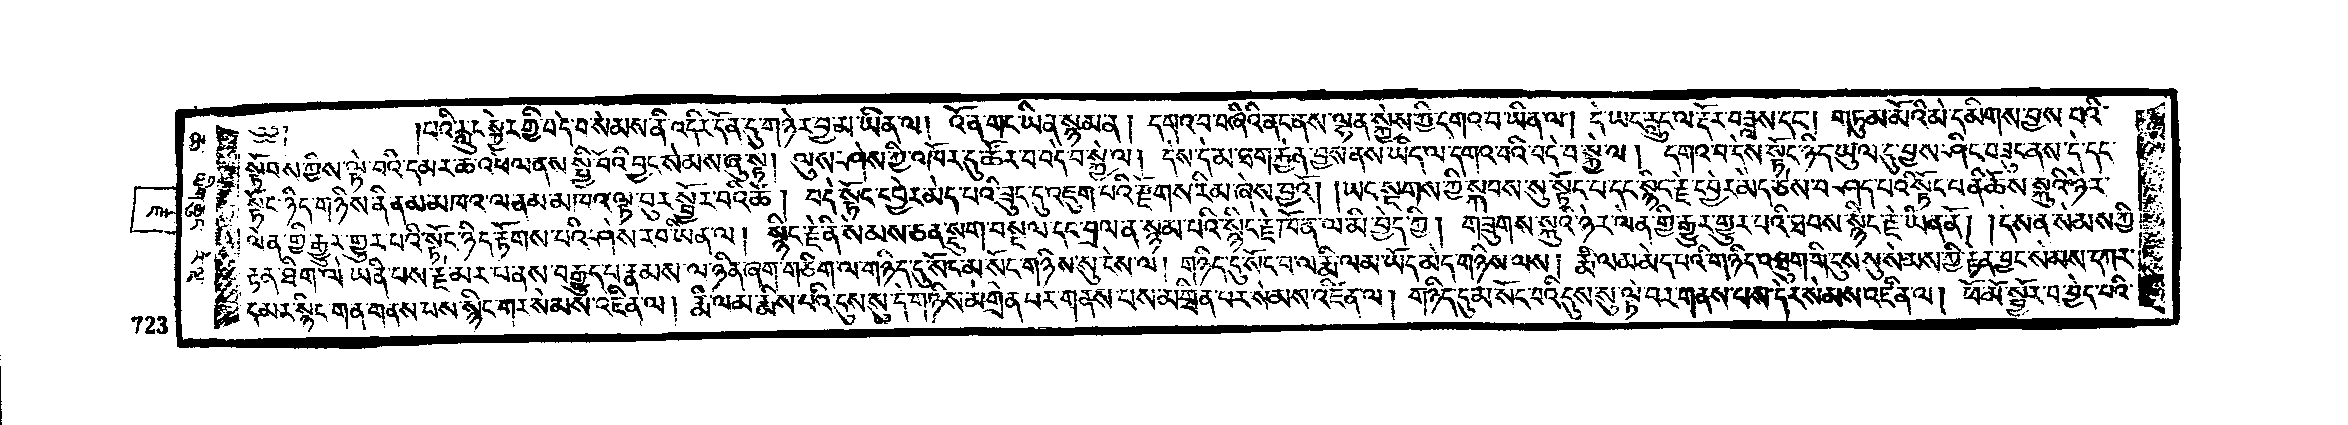༄༅། །པའི་རླུང་སྦྱོར་གྱི་བདེ་བ་སེམས་ནི་འདིར་དོན་དུ་གཉེར་བྱ་མ་ཡིན་ལ། འོ་ན་གང་ཡིན་སྙམ་ན། དགའ་བ་བཞིའི་ནང་ནས་ལྷན་སྐྱེས་ཀྱི་དགའ་བ་ཡིན་ལ། དེ་ཡང་རླུང་ལ་རྡོར་བཟླས་དང་། གཏུམ་མོའི་མེ་དམིགས་བྱས་པའི་
སྟོབས་ཀྱིས་ལྟེ་བའི་དམར་ཆ་འཕེལ་ནས་སྤྱི་བོའི་བྱང་སེམས་ཞུ་སྟེ། ལུས་ཤེས་ཀྱི་འཁོར་དུ་ཚོར་བ་བདེ་བ་སྐྱེ་ལ། དེས་དེ་མ་ཐག་རྐྱེན་བྱས་ནས་ཡིད་ལ་དགའ་བའི་བདེ་བ་སྐྱེ་ལ། དགའ་བ་དེས་སྟོང་ཉིད་ཡུལ་དུ་བྱས་ཤིང་བཟུང་ནས་དེ་དང་
སྟོང་ཉིད་གཉིས་ནི་ནམ་མཁའ་ལ་ནམ་མཁའ་ལྟ་བུར་སྦྱོར་བའི་ཚེ། བདེ་སྟོང་དབྱེར་མེད་པའི་ཟུང་དུ་འཇུག་པའི་རྫོགས་རིམ་ཞེས་བྱའོ། །ཡང་སྔགས་ཀྱི་སྐབས་སུ་སྟོང་པ་དང་སྙིང་རྗེ་དབྱེར་མེད་ཅེས་བཤད་པའི་སྟོང་པ་ནི་ཆོས་སྐུའི་ཉེར་
ལེན་གྱི་རྒྱུར་གྱུར་པའི་སྟོང་ཉིད་རྟོགས་པའི་ཤེས་རབ་ཡིན་ལ། སྙིང་རྗེ་ནི་སེམས་ཅན་སྡུག་བསྔལ་དང་བྲལ་ན་སྙམ་པའི་སྙིང་རྗེ་ཁོ་ན་ལ་མི་བྱེད་ཀྱི། གཟུགས་སྐུའི་ཉེར་ལེན་གྱི་རྒྱུར་གྱུར་པའི་ཐབས་སྙིང་རྗེ་ཡིན་ནོ། །དེས་ན་སེམས་ཀྱི་
རྟན་ཐིག་ལེ་ཡིན་པས་རྗེ་མར་པ་ནས་བརྒྱུད་པ་རྣམས་ལ་ཉིན་ཞག་གཅིག་ལ་གཉིད་དུ་སོང་མ་སོང་གཉིས་སུ་ངེས་ལ། གཉིད་དུ་སོང་བ་ལ་རྨི་ལམ་ཡོད་མེད་གཉིས་ལས། རྨི་ལམ་མེད་པའི་གཉིད་འཐུག་གི་དུས་སུ་སེམས་ཀྱི་རྟེན་བྱང་སེམས་དཀར་
དམར་སྙིང་ག་ན་གནས་པས་སྙིང་གར་སེམས་འཛིན་ལ། རྨི་ལམ་རྨིས་པའི་དུས་སུ་དེ་གཉིས་མགྲིན་པར་གནས་པས་མགྲིན་པར་སེམས་འཛིན་ལ། གཉིད་དུ་མ་སོང་བའི་དུས་སུ་ལྟེ་བར་གནས་པས་དེར་སེམས་འཛིན་ལ། ཕོ་མོ་སྦྱོར་བ་བྱེད་པའི་